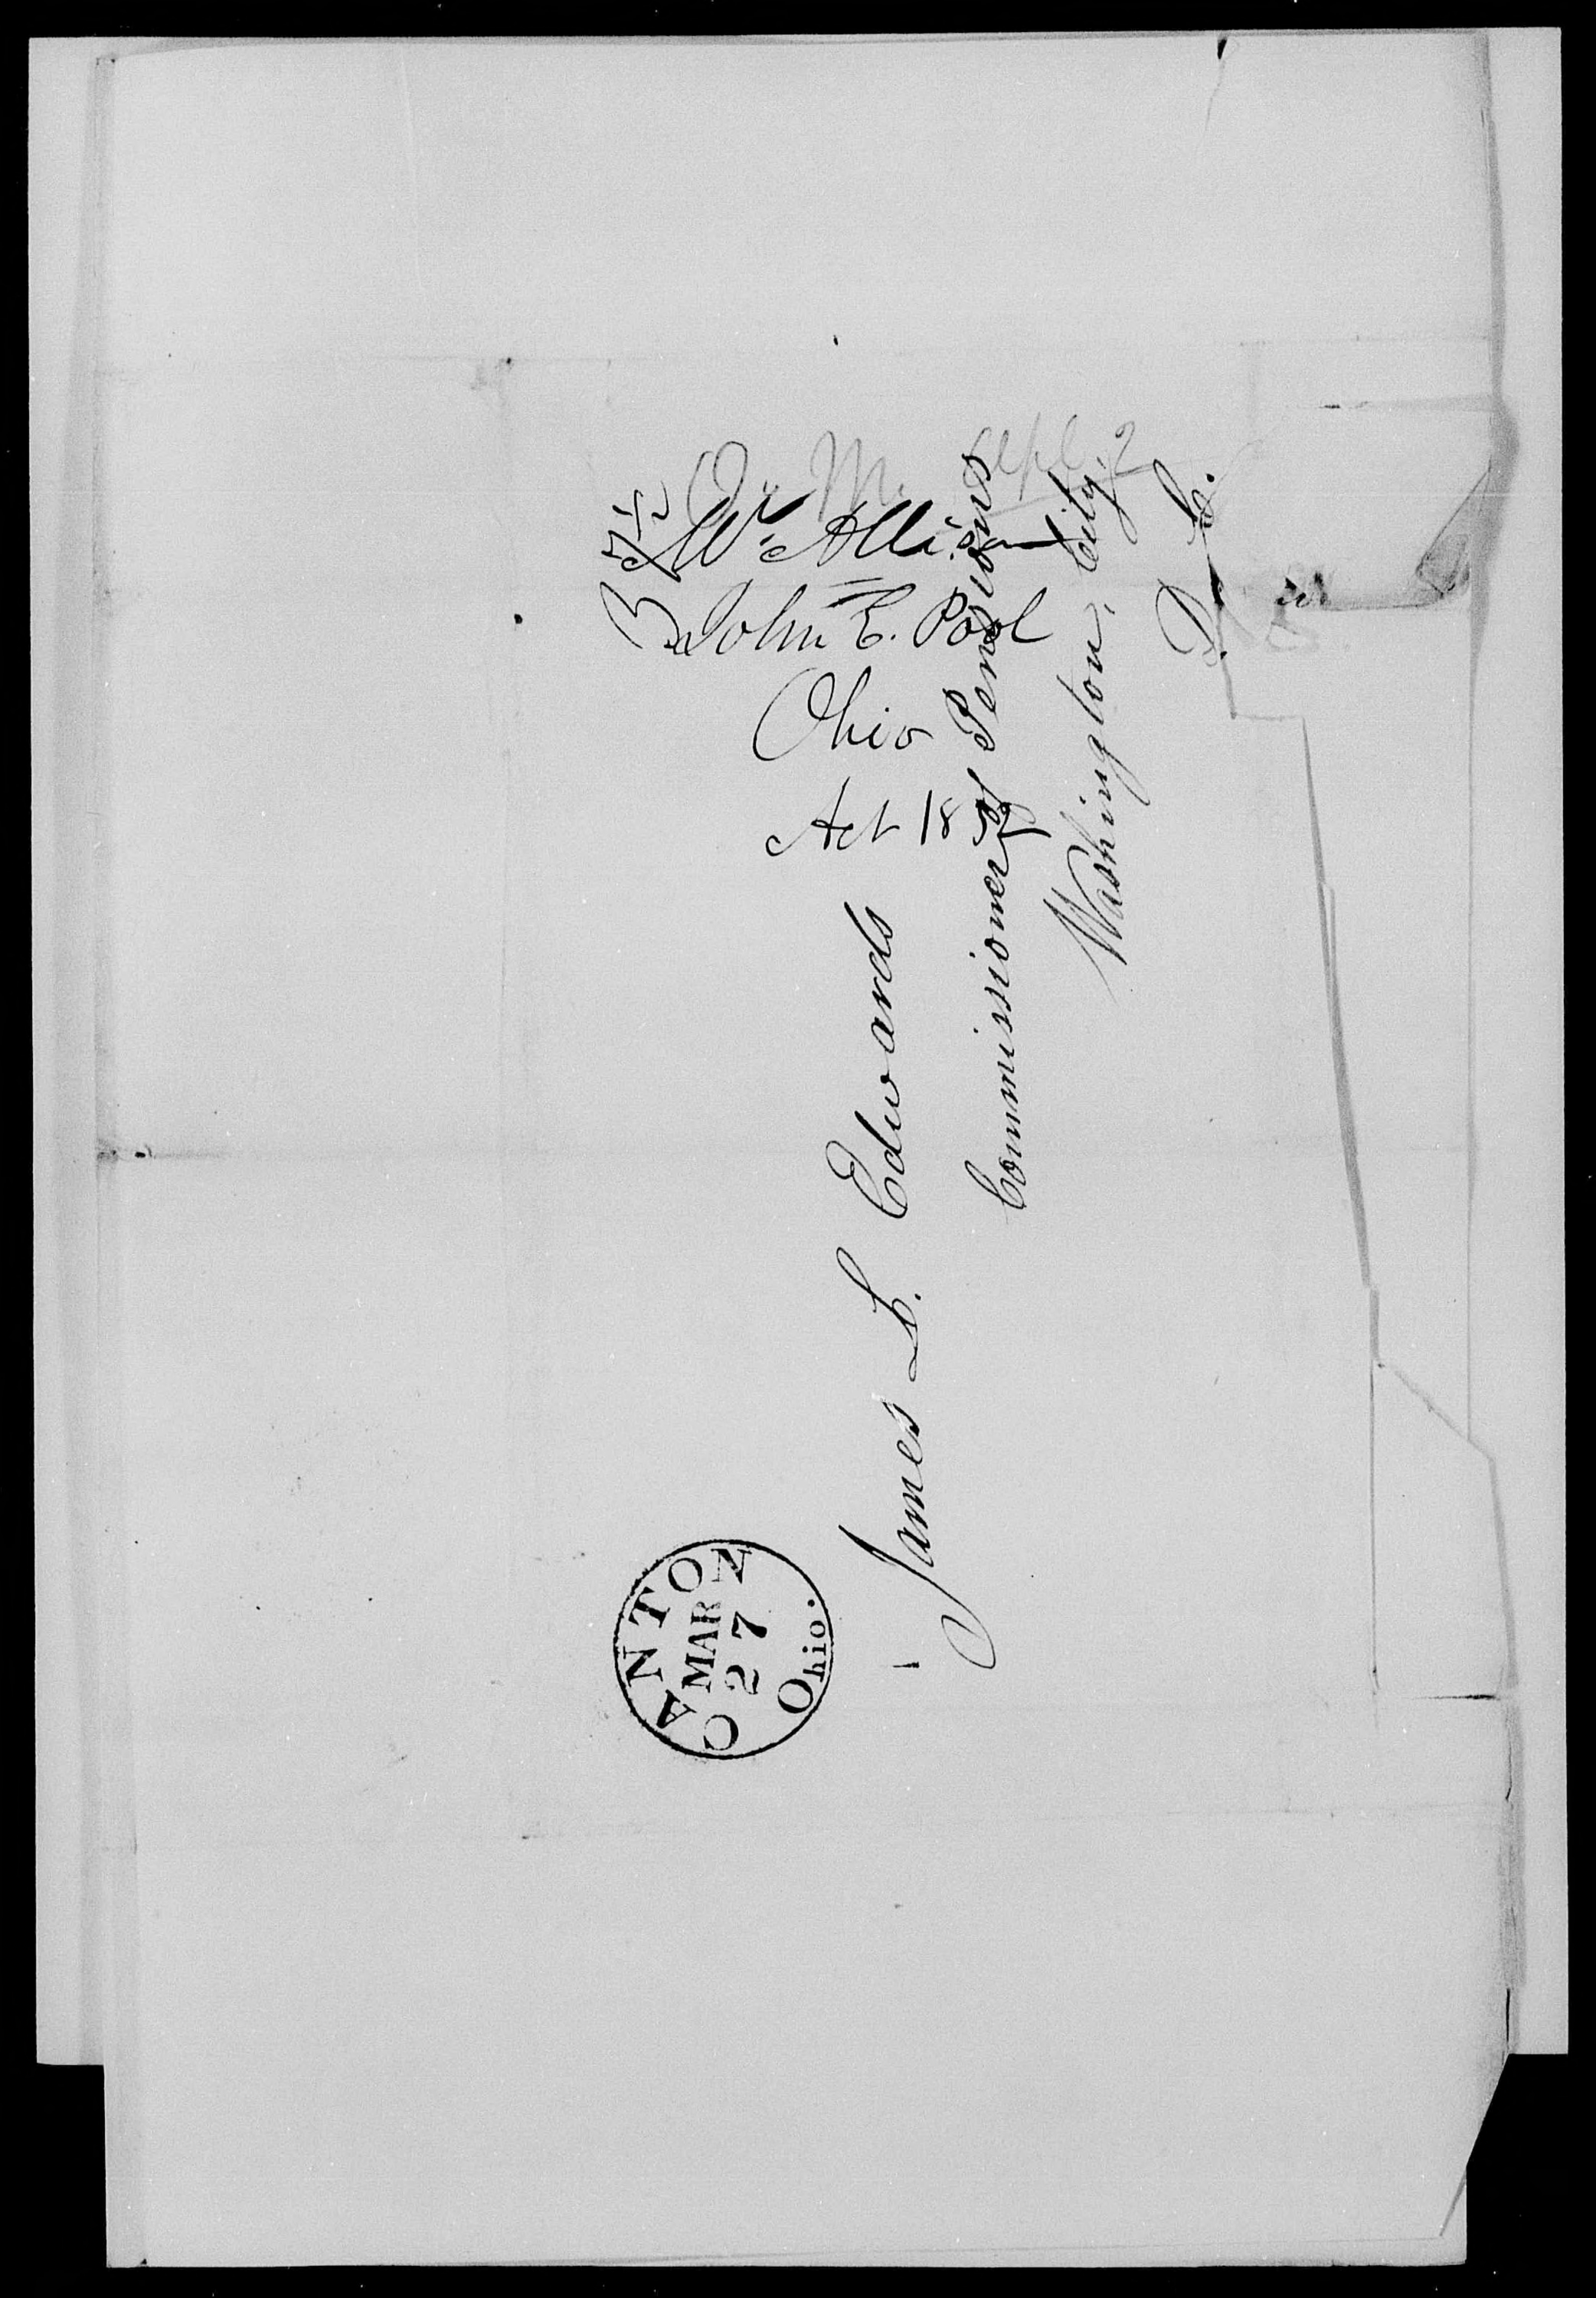Seal
  Canton Ohio Mar 27

James L. Edwards 
Commissioner of Pensions
Washington City D.C.

371/2
W. Allison
John E. Pool 
Ohio
Act 1832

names: James L Edwards; W Allison; John E Pool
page: 21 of 22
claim: rejected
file: R. 8,319, for John Engle Pool, Pennsylvania